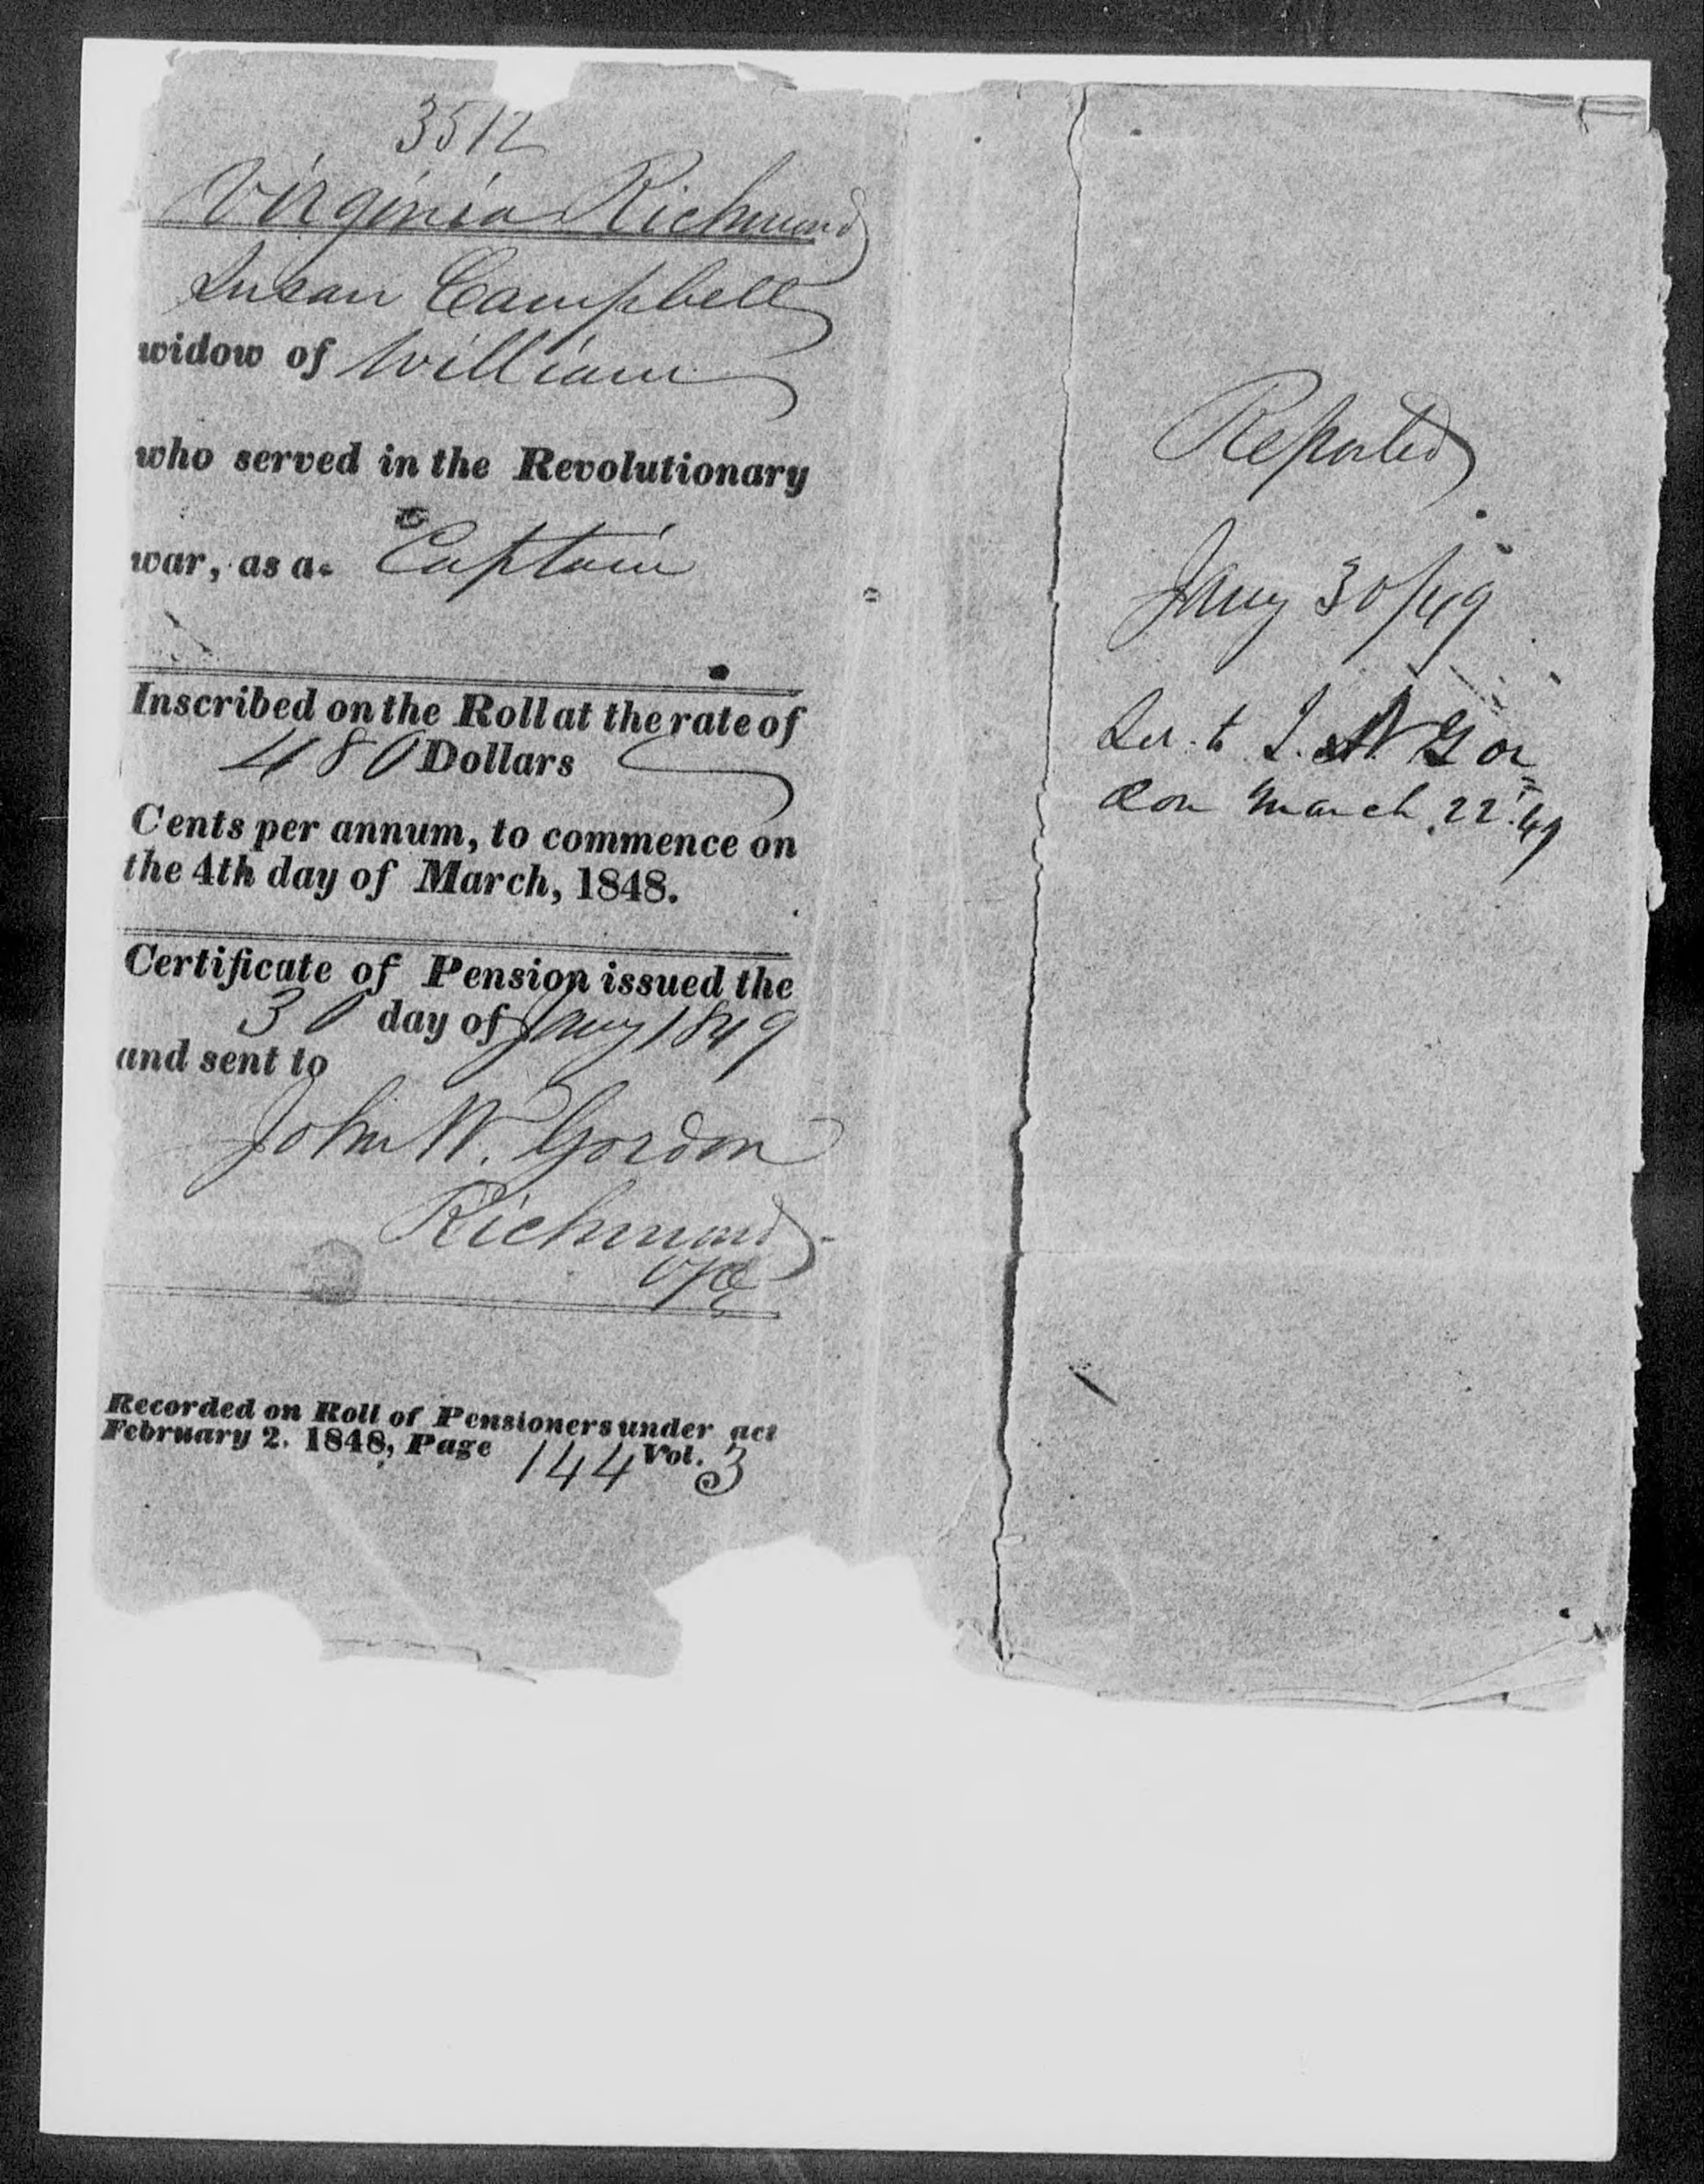[on left side of page is the following]

3572
Virginia Richmond
Susan Campbell
widow of William
who served in the Revolutionary war, as a Captain

[double horizontal lines across page]

Inscribed on the Roll at the rate of 480 Dollars ______ Cents per annum, to commence on the 4th day of March, 1848.
[double horizontal lines across page]

Certificate of Pension issued the 30 day of Janry 1849 and sent to 
John W. Gordon
Richmond.
Va
[double horizontal lies across page]

Recorded on Roll of Pensioners under act February 2, 1848, Page 144 Vol, 3

[on right side of page is the following]

Reported Jany 30/ 49

Sen . to L.E. Gordon March, 22.'49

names: J W Gordon, William Campbell, Susan Campbell, John W Gordon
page: 53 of 267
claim: widow's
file: W. 4,149, William Campbell, Va.